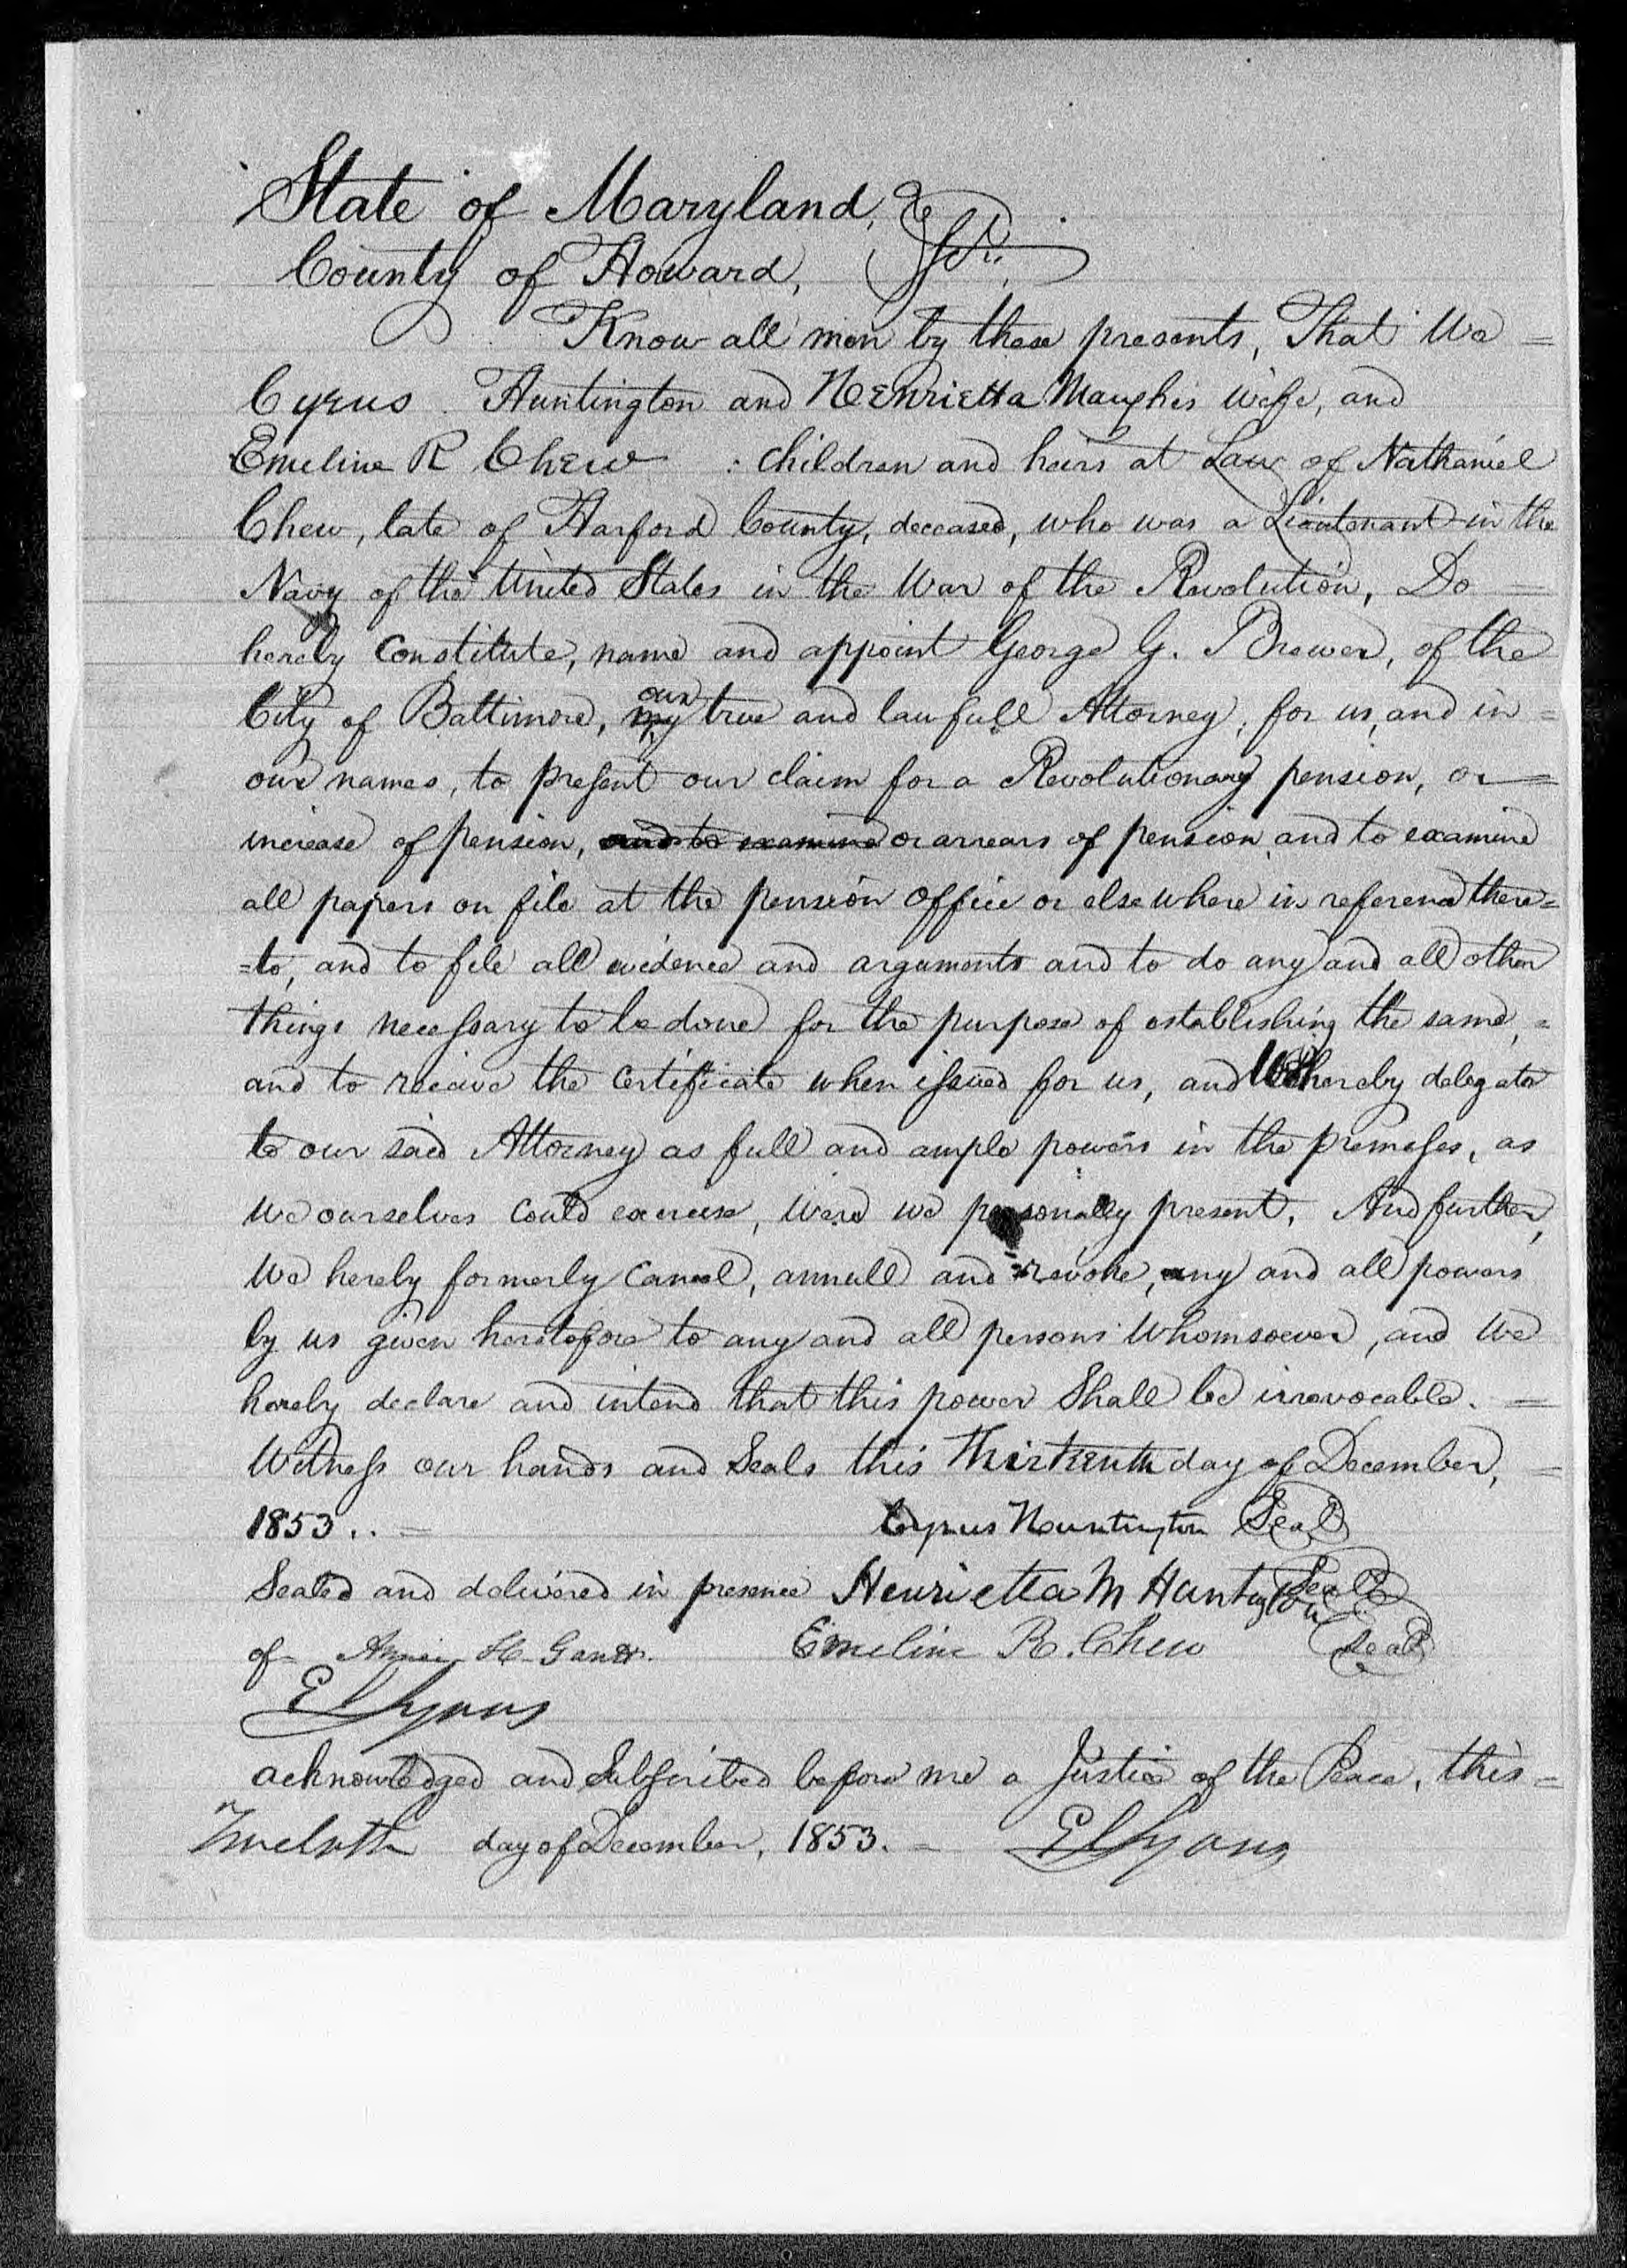State of Maryland}
County of Howard} Sct
Know all me by these presents, That we Cyrus Huntington and Henrietta May his wife, and Emeline R. Chew children and heirs at Law of Nathaniel Chew, late of Harford County, deceased, who was a Lieutenant in the Navy of the United States in the War of the Revolution, Do hereby constitute, name and appoint George G. Brewer, of the City of Baltimore, our true and lawfull Attorney, for in, and in our names, to present our claim for a Revolutionary pension, and to examine all papers on file at the pension office or elsewhere in reference thereto, and to file all evidence and arguments and to do any and all other things necessary to be done for the purpose of establishing the same, and to receive the certificate when issued for us, and We hereby delegate to our said Attorney as full and ample powers in the premeses, as we ourselves could exercise, were we personally present, And further, we hereby formerly cancel, annull and revoke, any and all powers by us given heretofore to any and all persons whomsoever, and we hereby declare and intend that this power Shall be irrevocable. Witness our hands and Seals this thirteenth day of December, 1853. . . 
[signed] Cyrus Huntington [seal surrounded by squiggles]
[signed] Henrietta M Huntington [seal surrounded by squiggles]
[signed] Emeline R. Chew [seal surrounded by squiggles]
Sealed and delivered in presence of [signed] Annie H. Garett [signed] El Lyons
acknowledged and Subscribed before me da Justice of the Peace, this Twelvth day of December, 1853.
[signed] El Lyons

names: El Lyons, Annie H Garett, El Lyons, George G Brewer, Cyrus Huntington, Emeline R Chew, Henrietta Maugher, Cyrus Huntington, Emeline R Chew, Nathaniel Chew, Henrietta M Huntington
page: 17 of 59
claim: widow's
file: W. 9383, Nathaniel Chew, Navy (Md.)